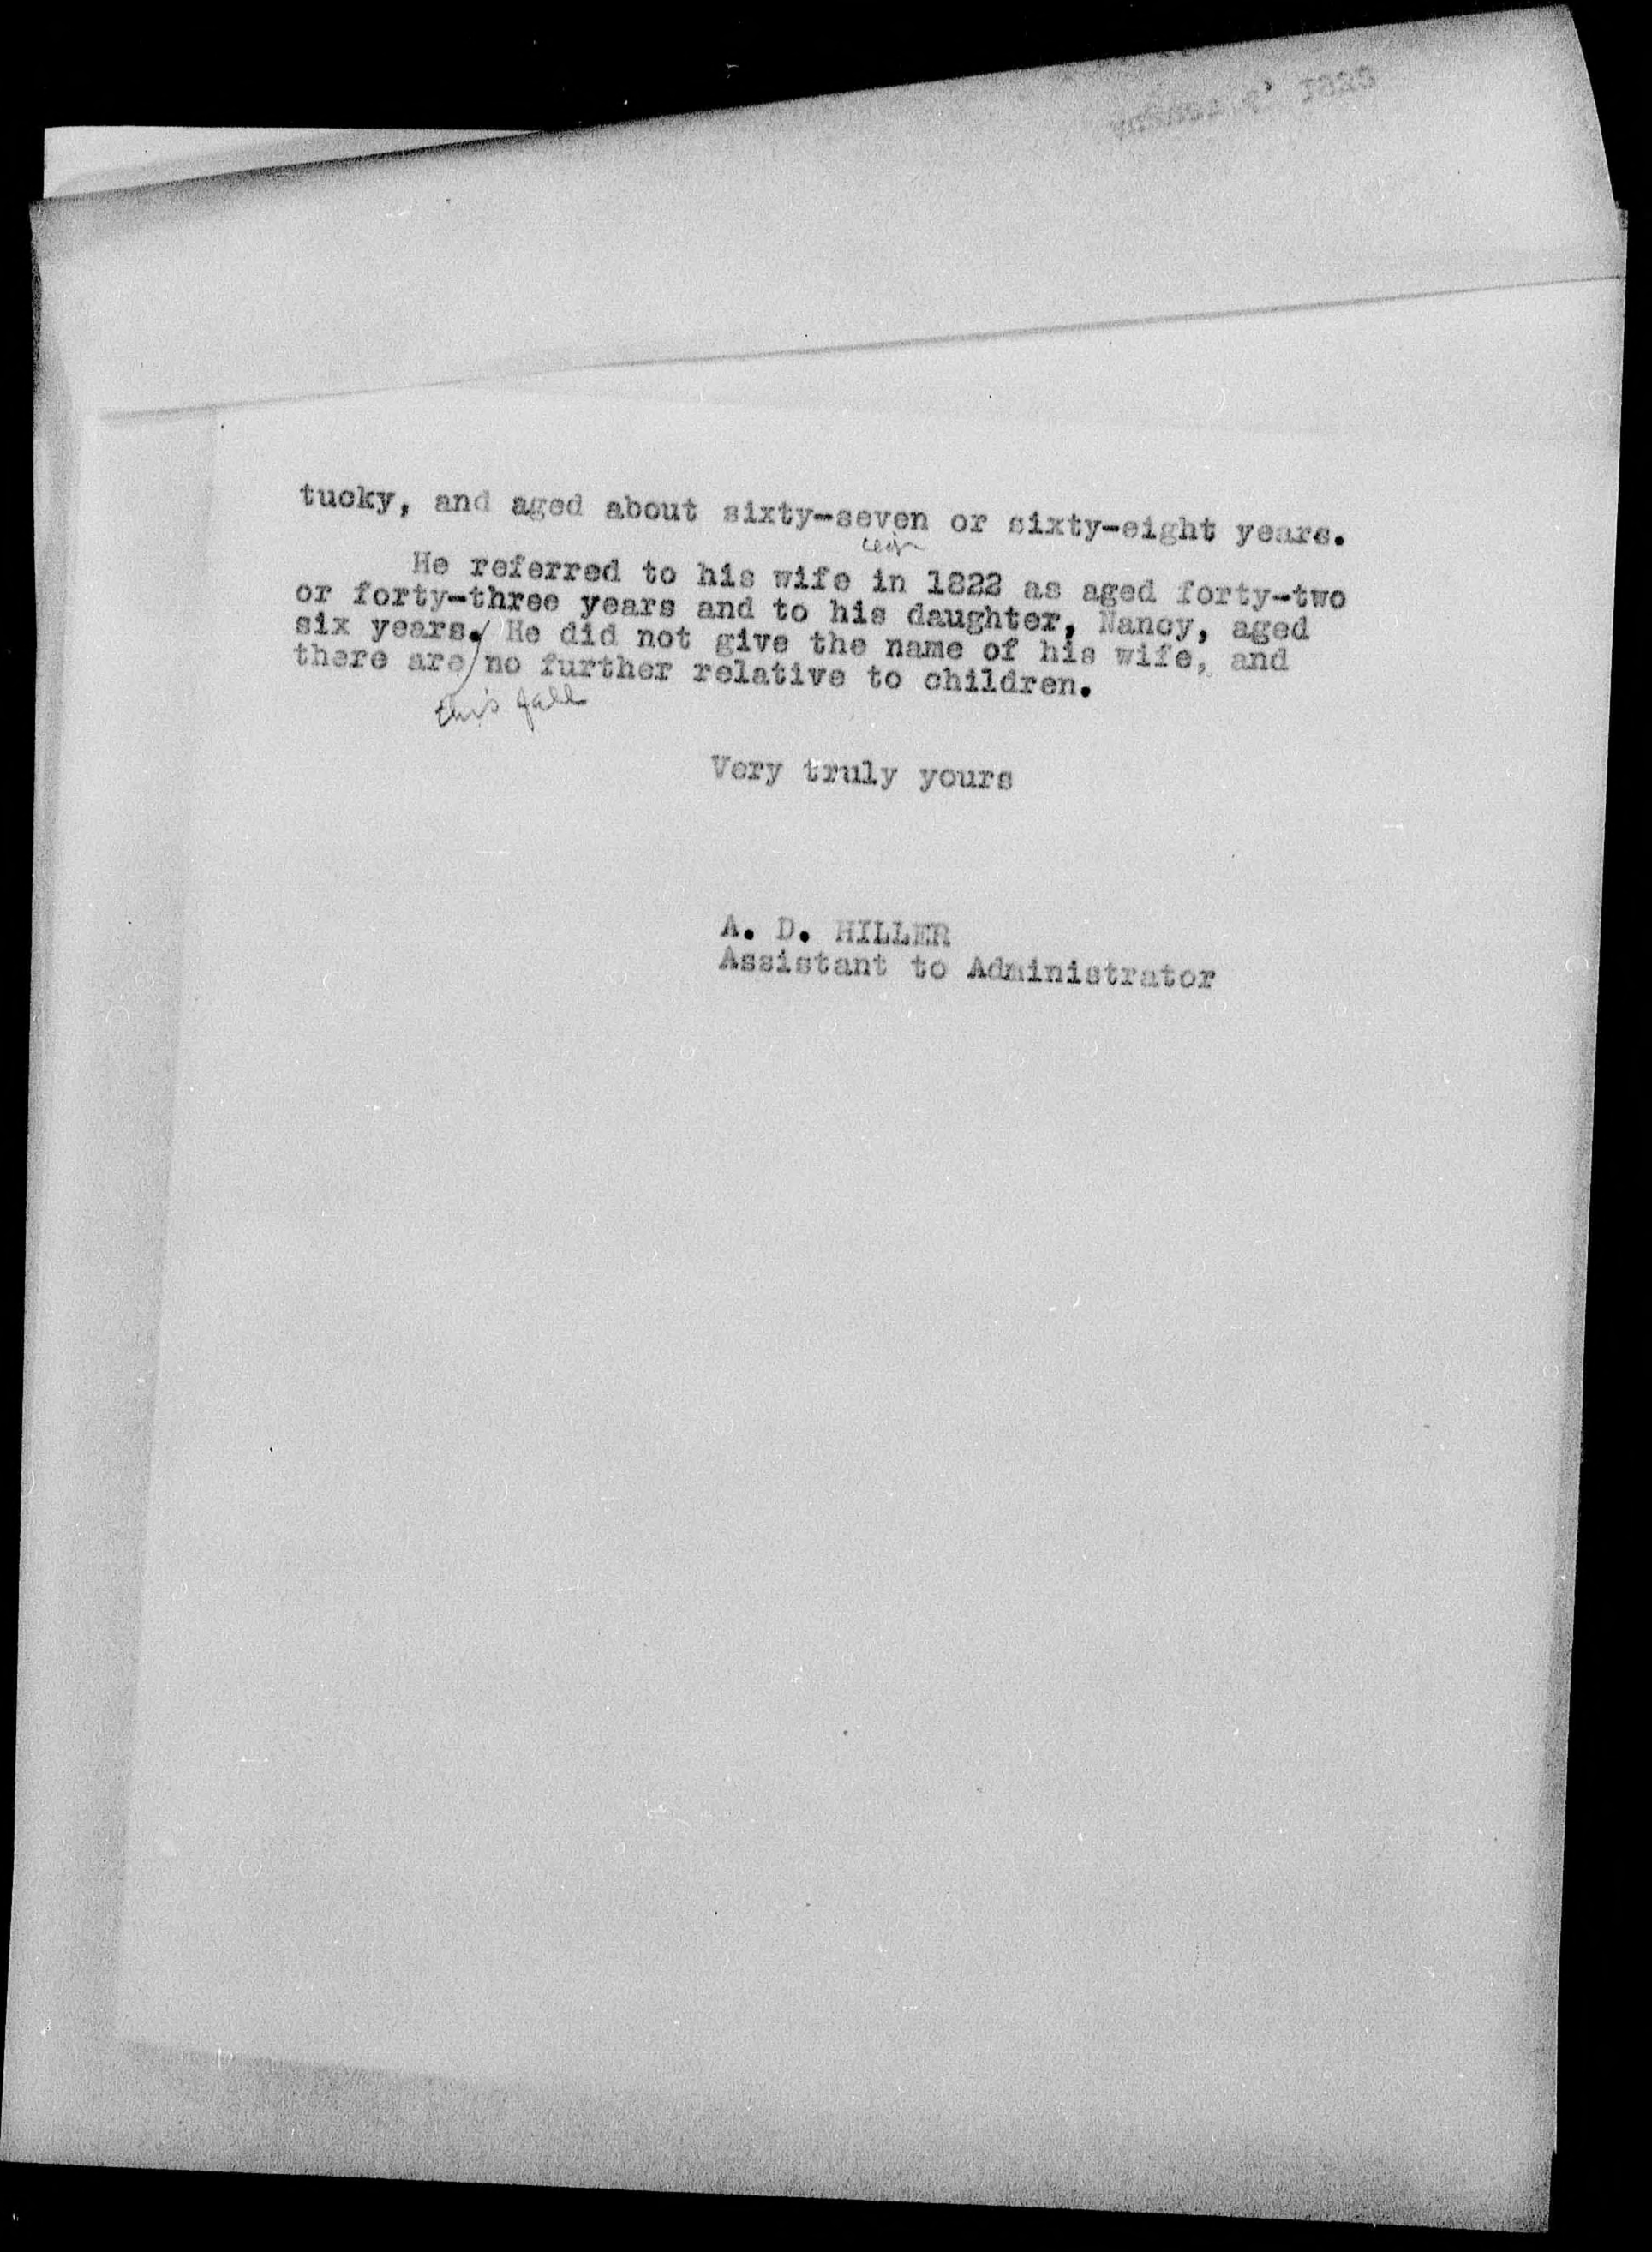tucky, and aged about sixty-seven or sixty-eight years.

He referred to his wife in 1822 as aged forty-two
or forty-three years and to his daughter, Nancy, aged
six years [this fall]. He did not give the name of his wife, and
there are not further relative to children.

Very truly yours

A. D. Hiller
Assistant to Administrator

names: A D Hiller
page: 12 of 21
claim: survivor's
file: S. 35,788, William Brown, Va.